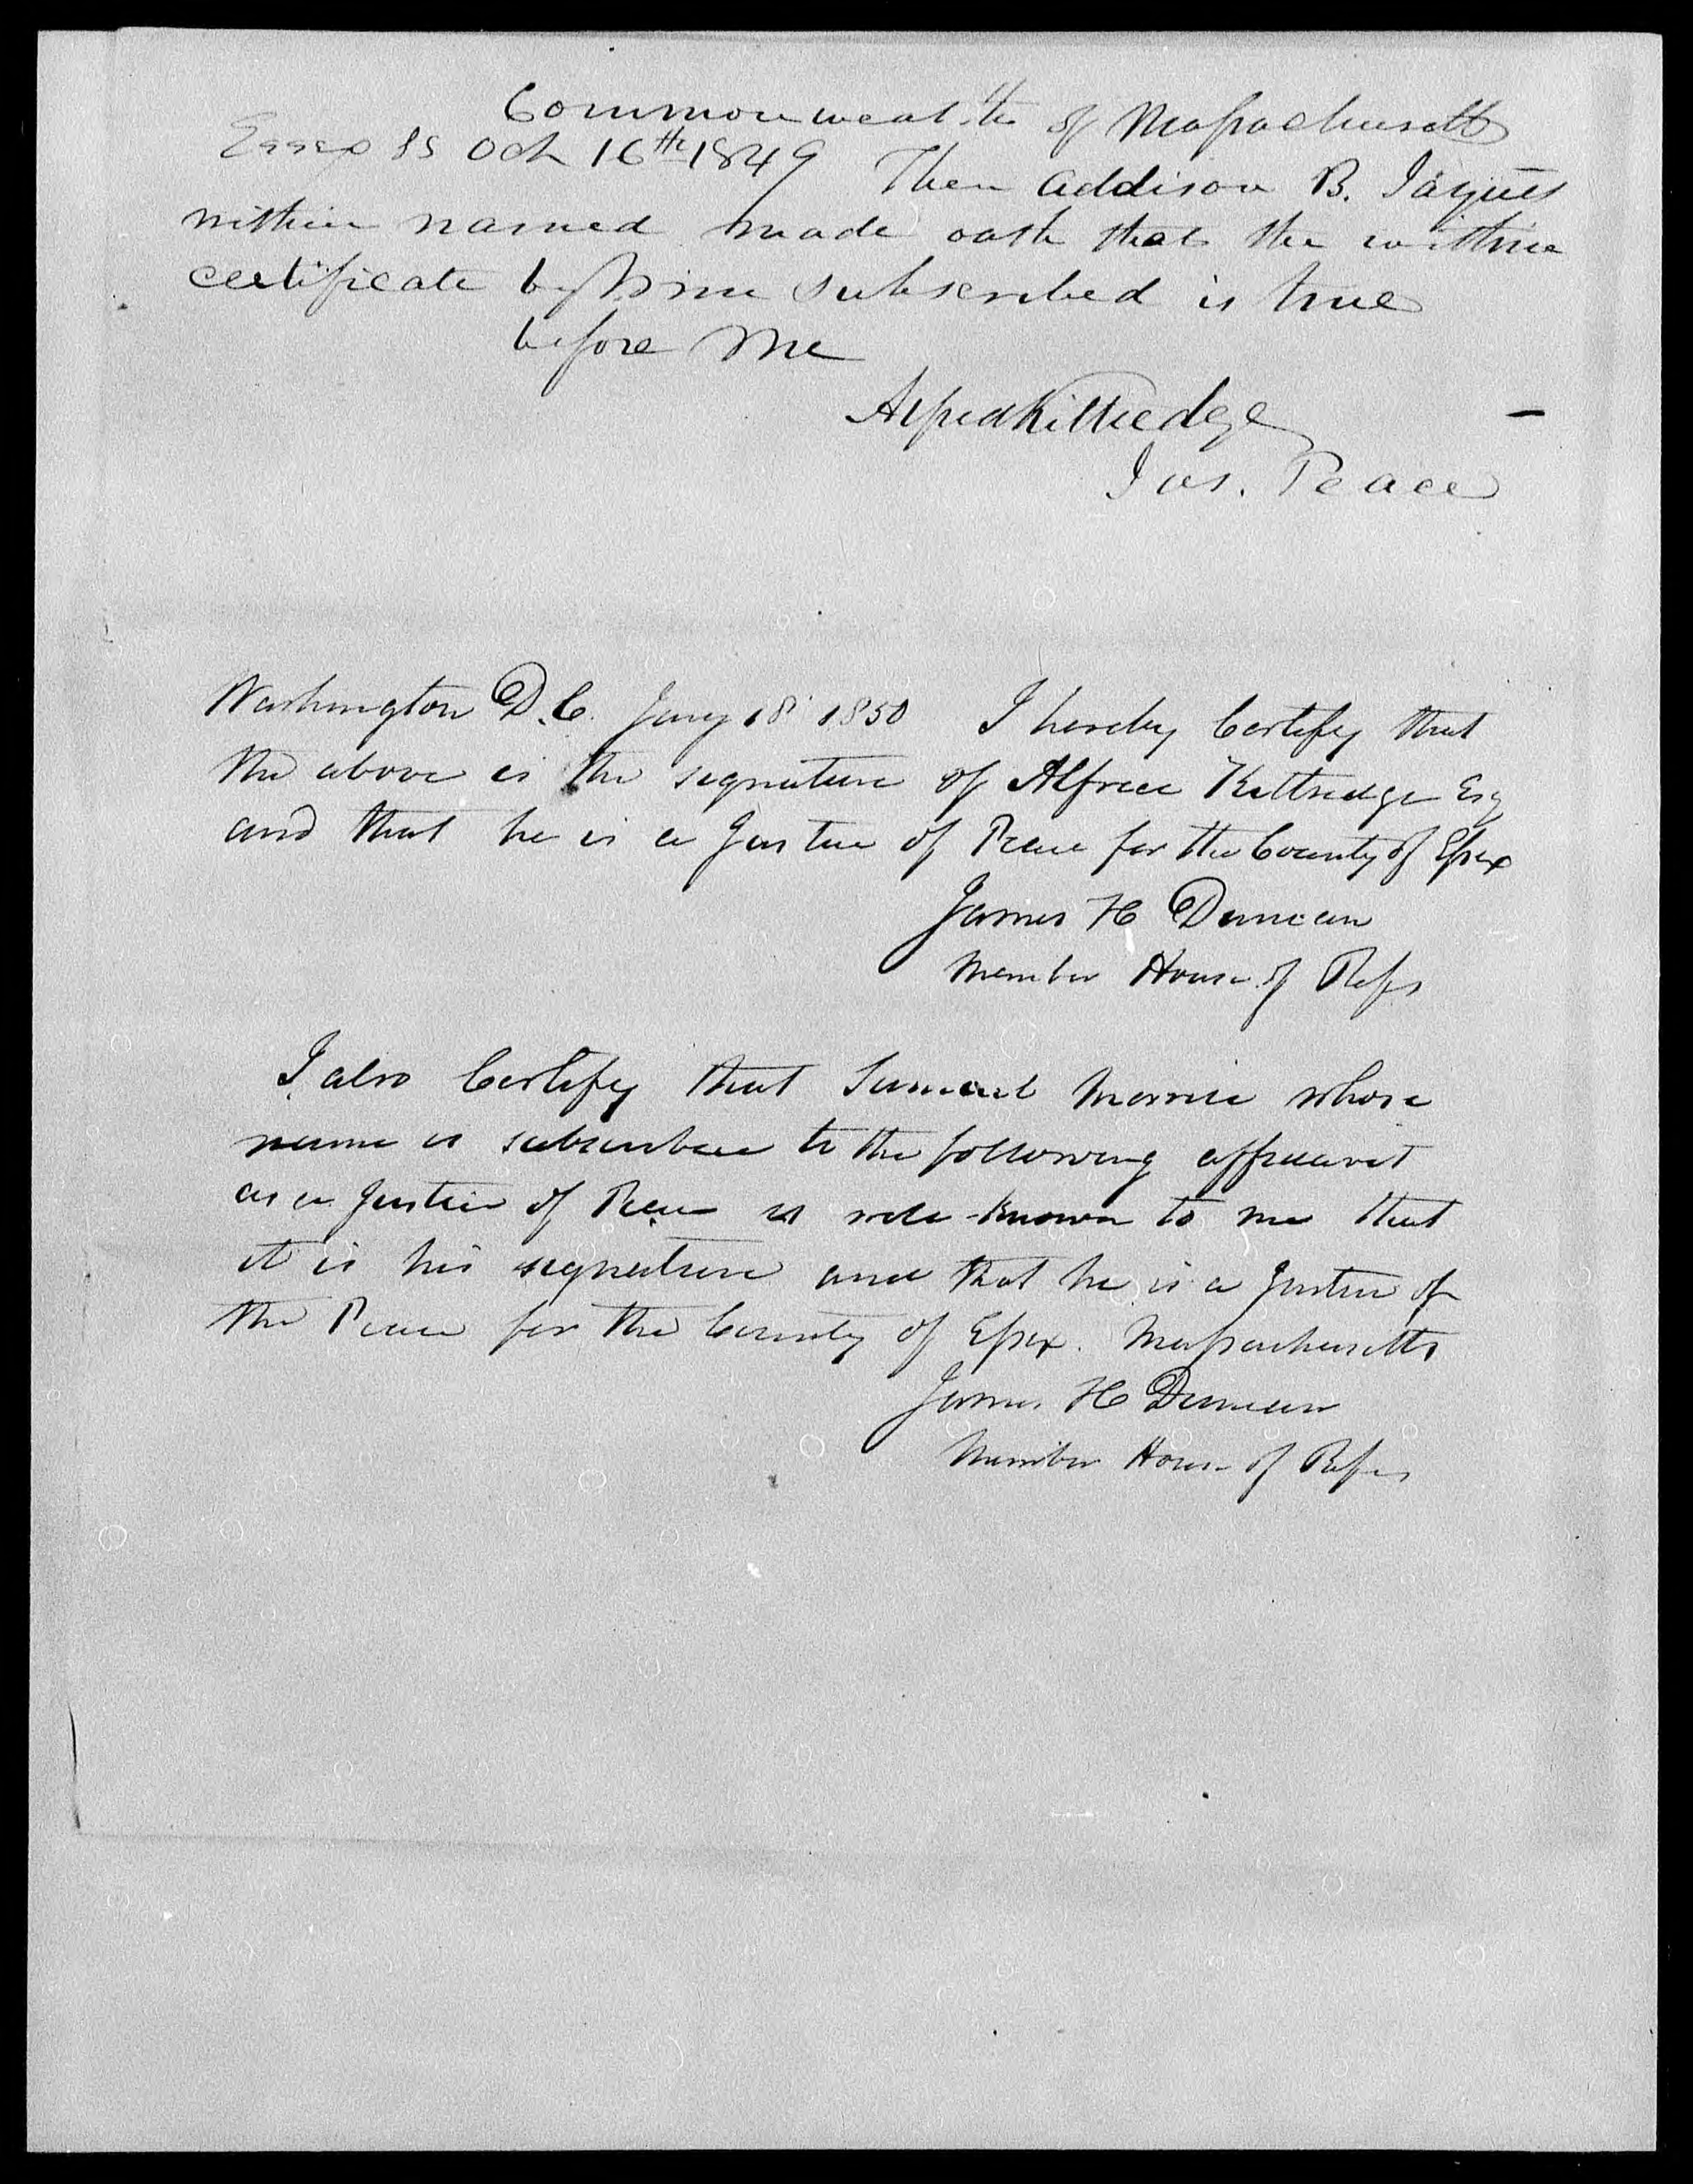Commonwealth of Massachusetts
Essex ss Oct 16th 1849
Then Addison B. Jaques within named made oath that the within certificate by him subscribed is true before me
Alfred Kittridge
Jus. Peace


Washington D.C. July 18 1850 I hereby certify that the above is the signature of Alfred Kittridge Esq and that he is a Justice of Peace for the County of Essex
James H Duncan
Member House of Reps

I also certify that Samuel Merrill whose name is subscribed to the following affidavit as a Justice of Peace is well-known to me that it is his signature and that he is a Justice of the Peace for the County of Essex, Massachusetts
James H Duncan
Member House of Reps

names: Addison B Jaques; James H Duncan; Jas Peace; Alfred Kittridge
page: 14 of 29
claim: widow's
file: W. 1779, for Richard Kimball, Massachusetts